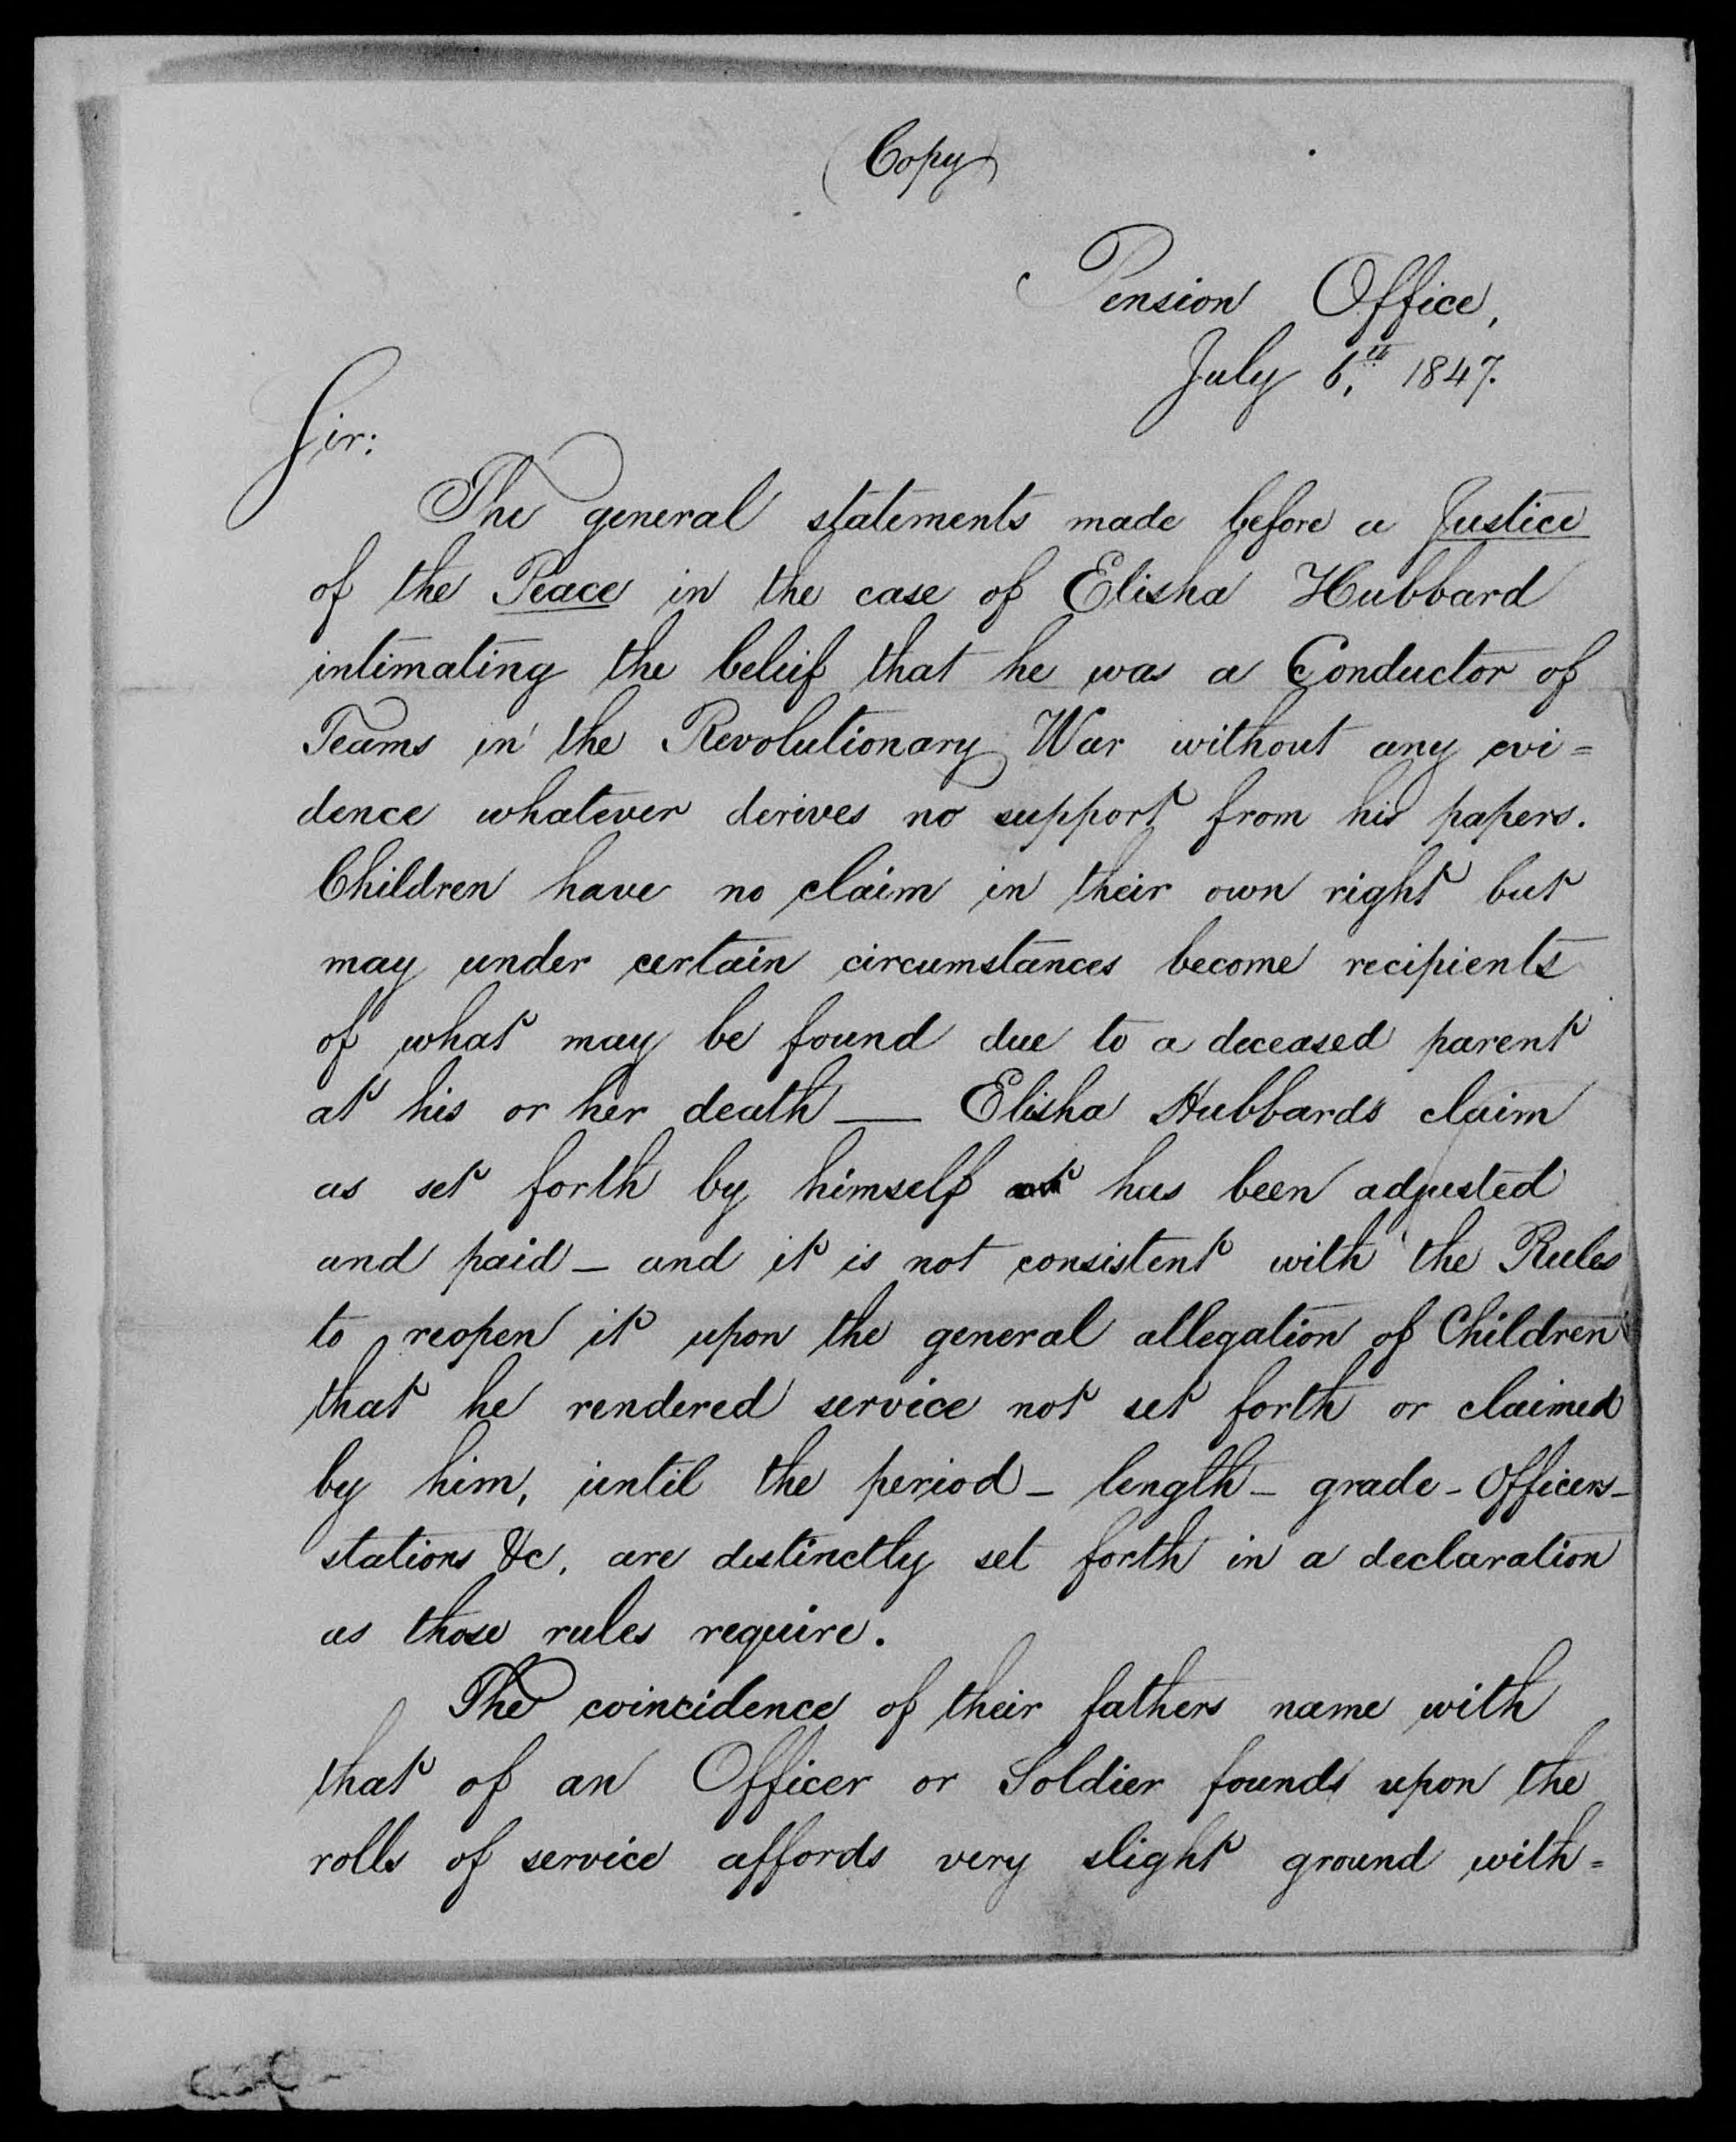Pension Office, July 6, 1847.

Sir:
The general statements made before a Justice of the Peace in the case of Elisha Hubbard intimating the belief that he was a Conductor of Teams in the Revolutionary War without any evidence whatever derives no support from his papers.  Children have no claim in their  own right but may under certain circumstances become recipients of what may be found due to a deceased parent at his or her death - Elisha Hubbards claim as set forth by himself has been adjusted and paid - and it is not consistent with the Rules to reopen it upon the general allegation of children that he rendered service not set forth or claimed by him, until the period - length - grade - officers - station & c. are distinctly set forth in a declaration as those rules require.
The coincidence of their fathers name with that of an Officer or Soldier found upon the rolls of service affords very slight ground with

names: Elisha Hubbard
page: 33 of 63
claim: survivor's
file: S. 18457, Elisha Hubbard, Conn. Continental